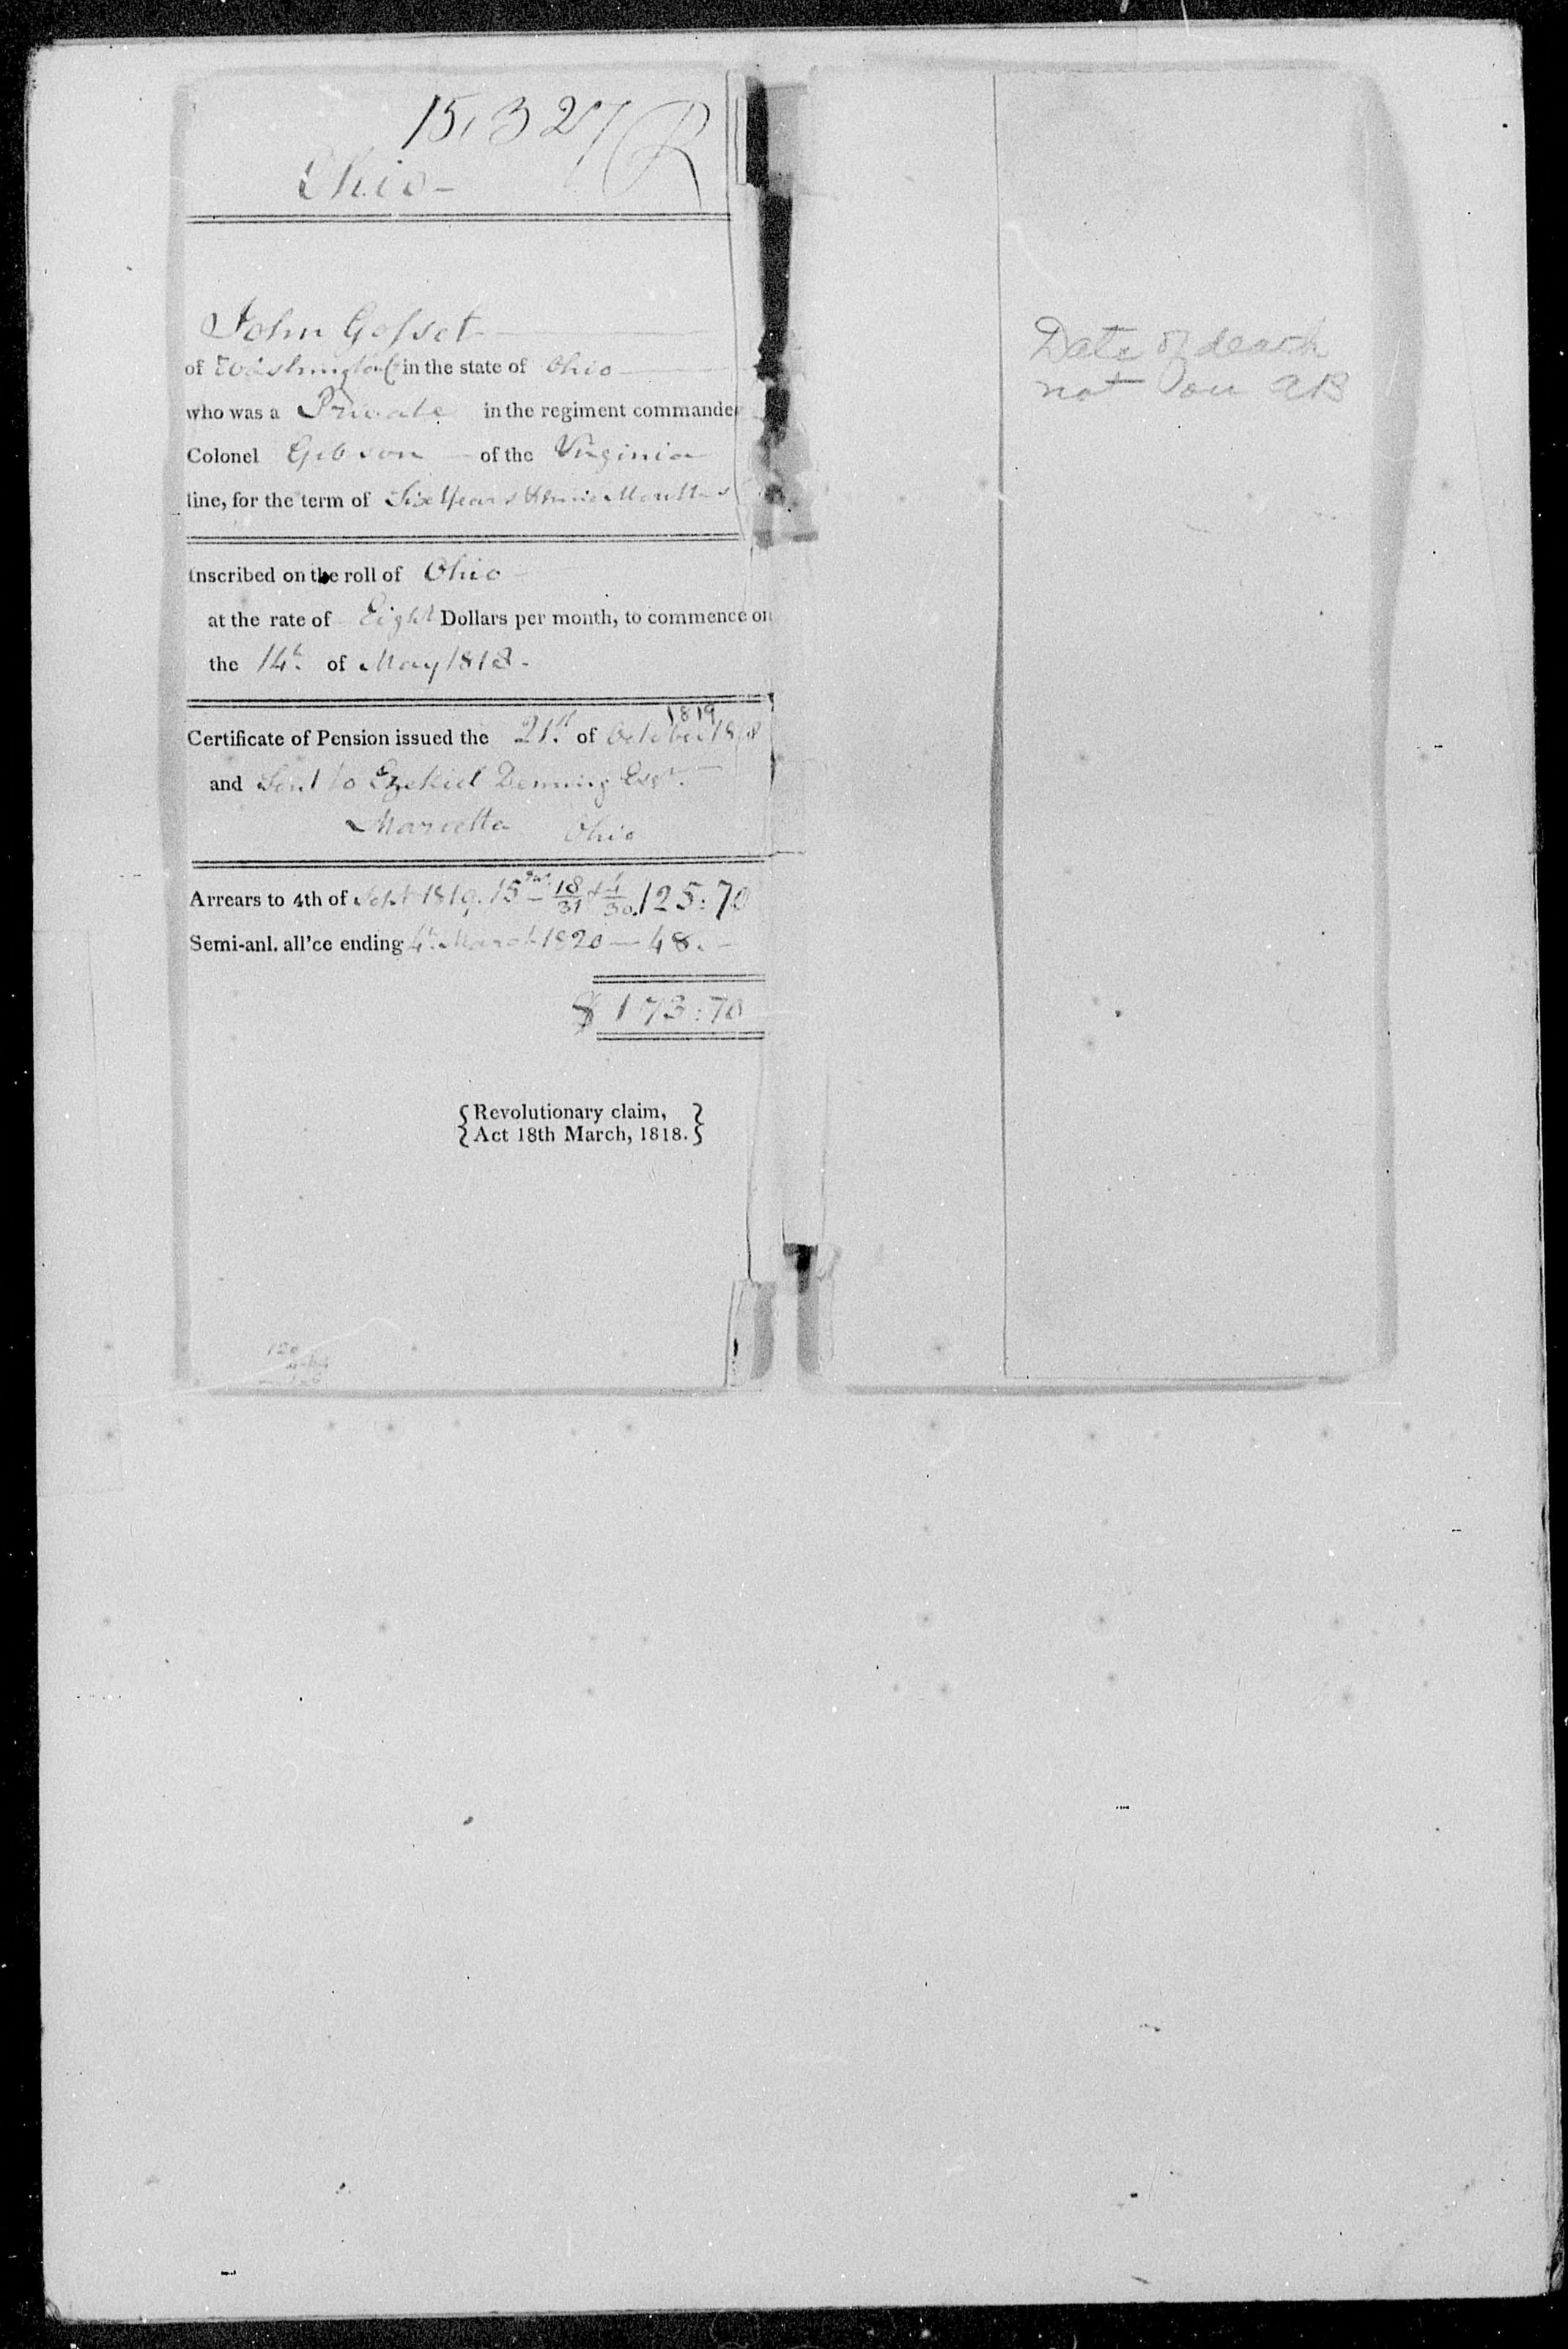[left page]
15,327 R 
Ohio -
___
John Gosset of Washington Ct in the state of Ohio who was a Private in the regiment commande[d by] Colonel Gibson of the Virginia line, for the term of Six Years & nine Months
___
Inscribed on the roll of Ohio at the rate of Eight Dollars per month, to commence on the 14th of May 1818.
___
Certificate of Penison issued the 21st of October 1818 [above written is also 1819] and Sent to Ezekiel Deming Esqr. Marietta Ohio
___
Arrears to 4th of Sept 1819. 15⁹ᵂ [superscripts illegible] - 18/31+4/30. 12.70 [in dollars]
Semi-anl. all'ce ending 4th March 1820 ~48.-
$173.70
{Revolutionary claim, Act 18th March, 1818}
___
[very faintly; bottom left of left page]
120 [illegible]

[right page]
Date of death not on AB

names: Ezekiel Deming, Gibson, John Gosset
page: 2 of 21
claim: survivor's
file: S. 42,750, John Gosset, Va.